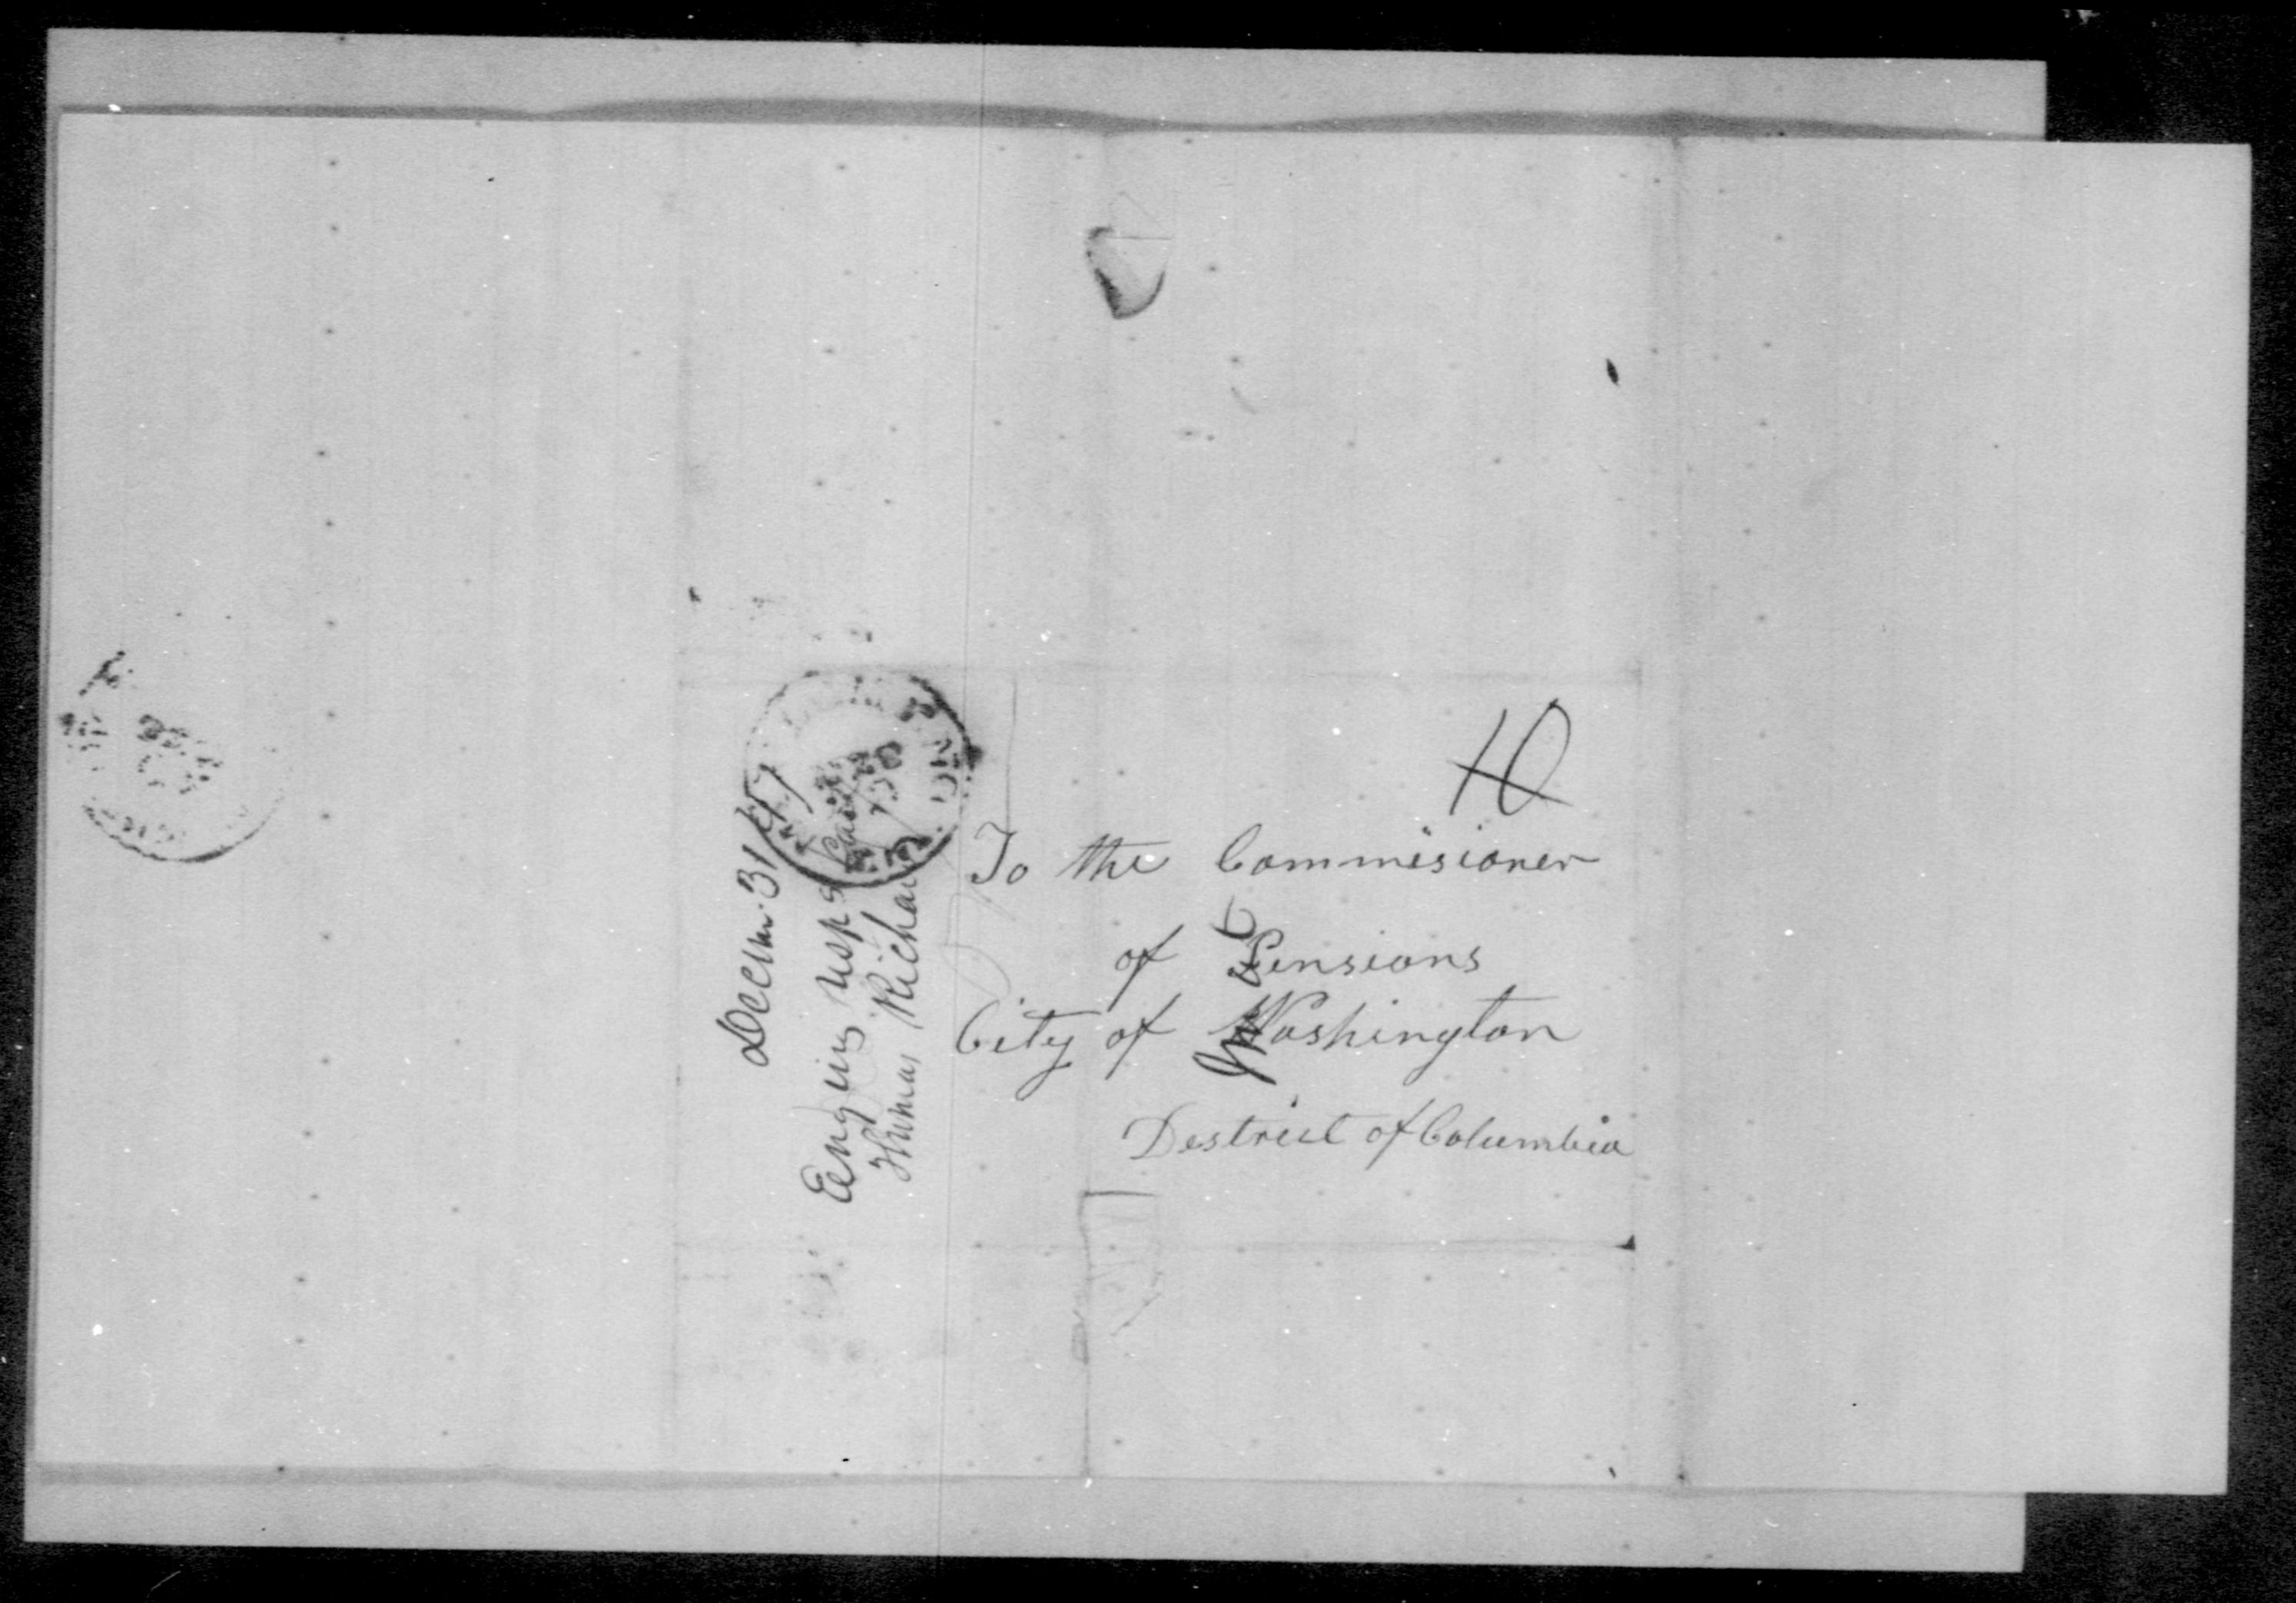[stamp illegible] [stamp illegible]
December 31 [18]17 Enquiry response
Thomas Richards

To the Commissioner of Pensions
City of Washington
District of Columbia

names: Thomas Richards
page: 44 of 109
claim: widow's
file: W. 5709, for Thomas Richards, New Hampshire